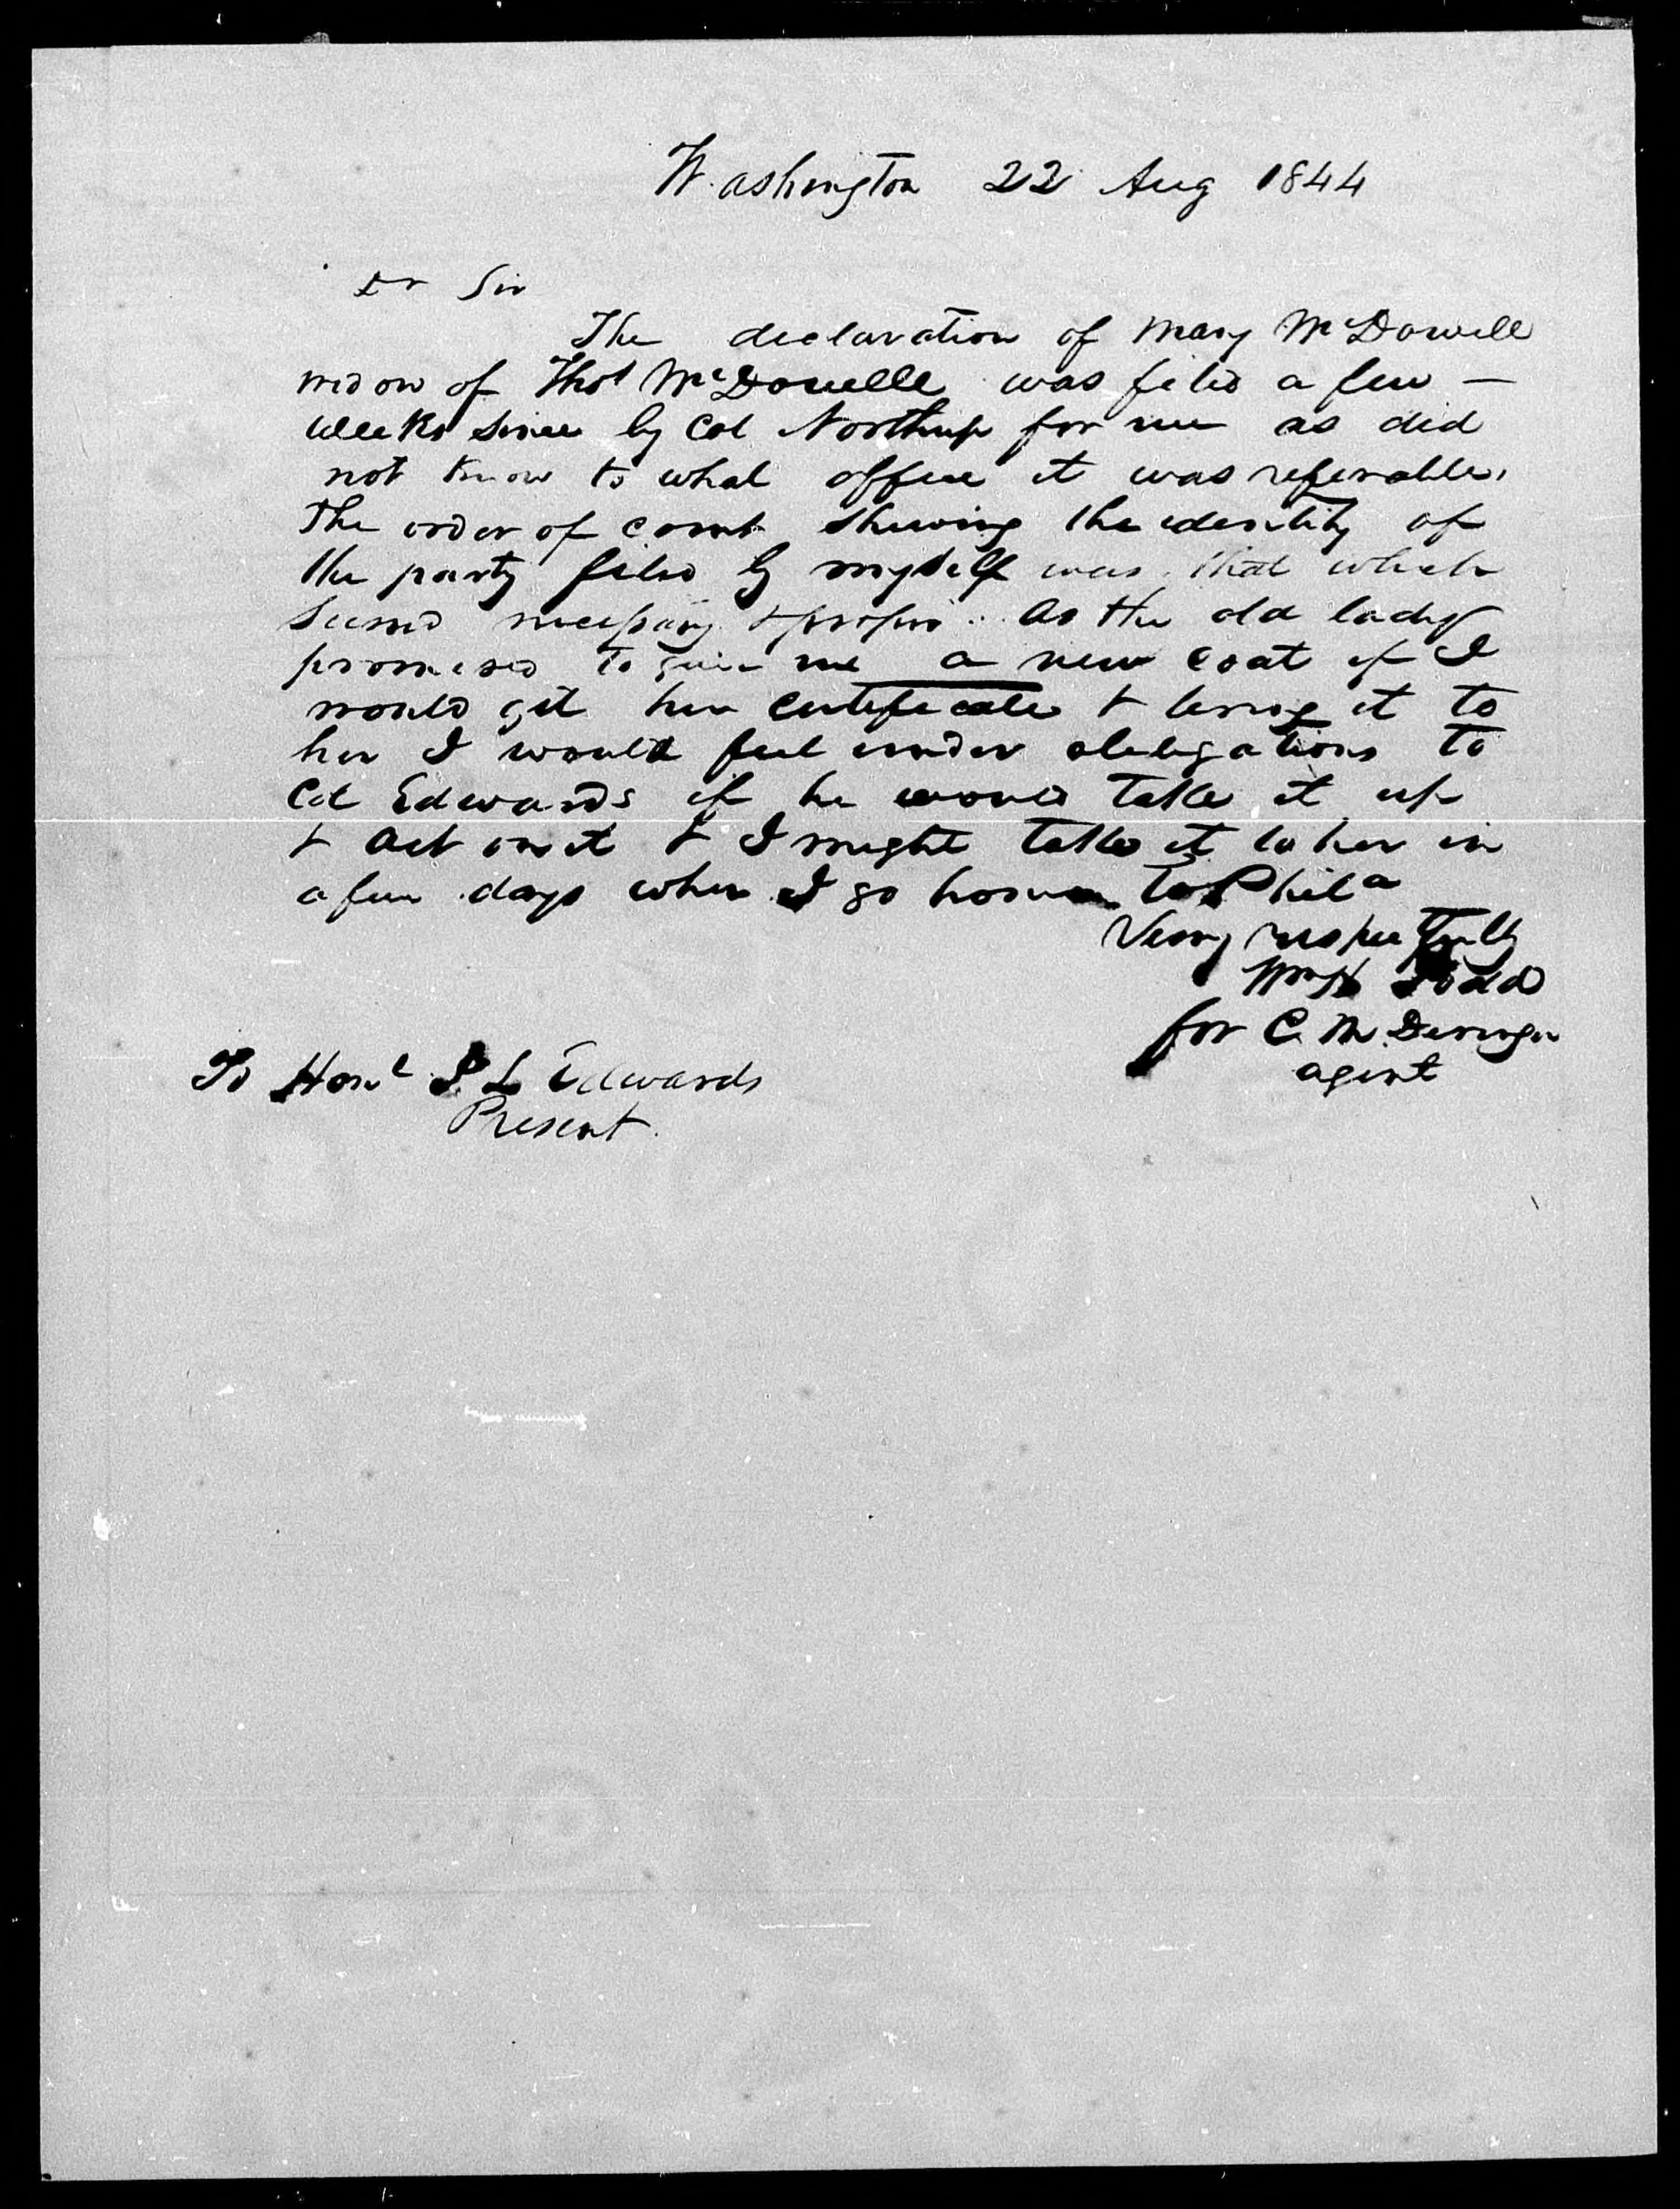Washington 22 August 1844

Dr Sir
          The declaration of Mary McDowell widow of Thos McDowell was filed a few weeks since by Co. Northup for me as did not know to what office it was referable.  The order of court showing the identity of the party filed by myself was that which seemed necessary & proper.  As the old lady promised to give me a new coat if I would get her certificate & bring it to her I would feel under obligations to Col Edwards if he would take it up & act on it & I might take it to her in a few days when I go home to Phila
                    Very respectfully
                        Wm H. Todd
                     for C. M. Deringer
                        agent

To Honl J L Edwards
             Present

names: [BLANK] Northup; Wm H Todd; Mary Mc Dowell; Thos Mc Dowell; C M Deringer; J L Edwards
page: 49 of 63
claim: widow's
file: W 2957, for Thomas Mc Dowell, Maryland